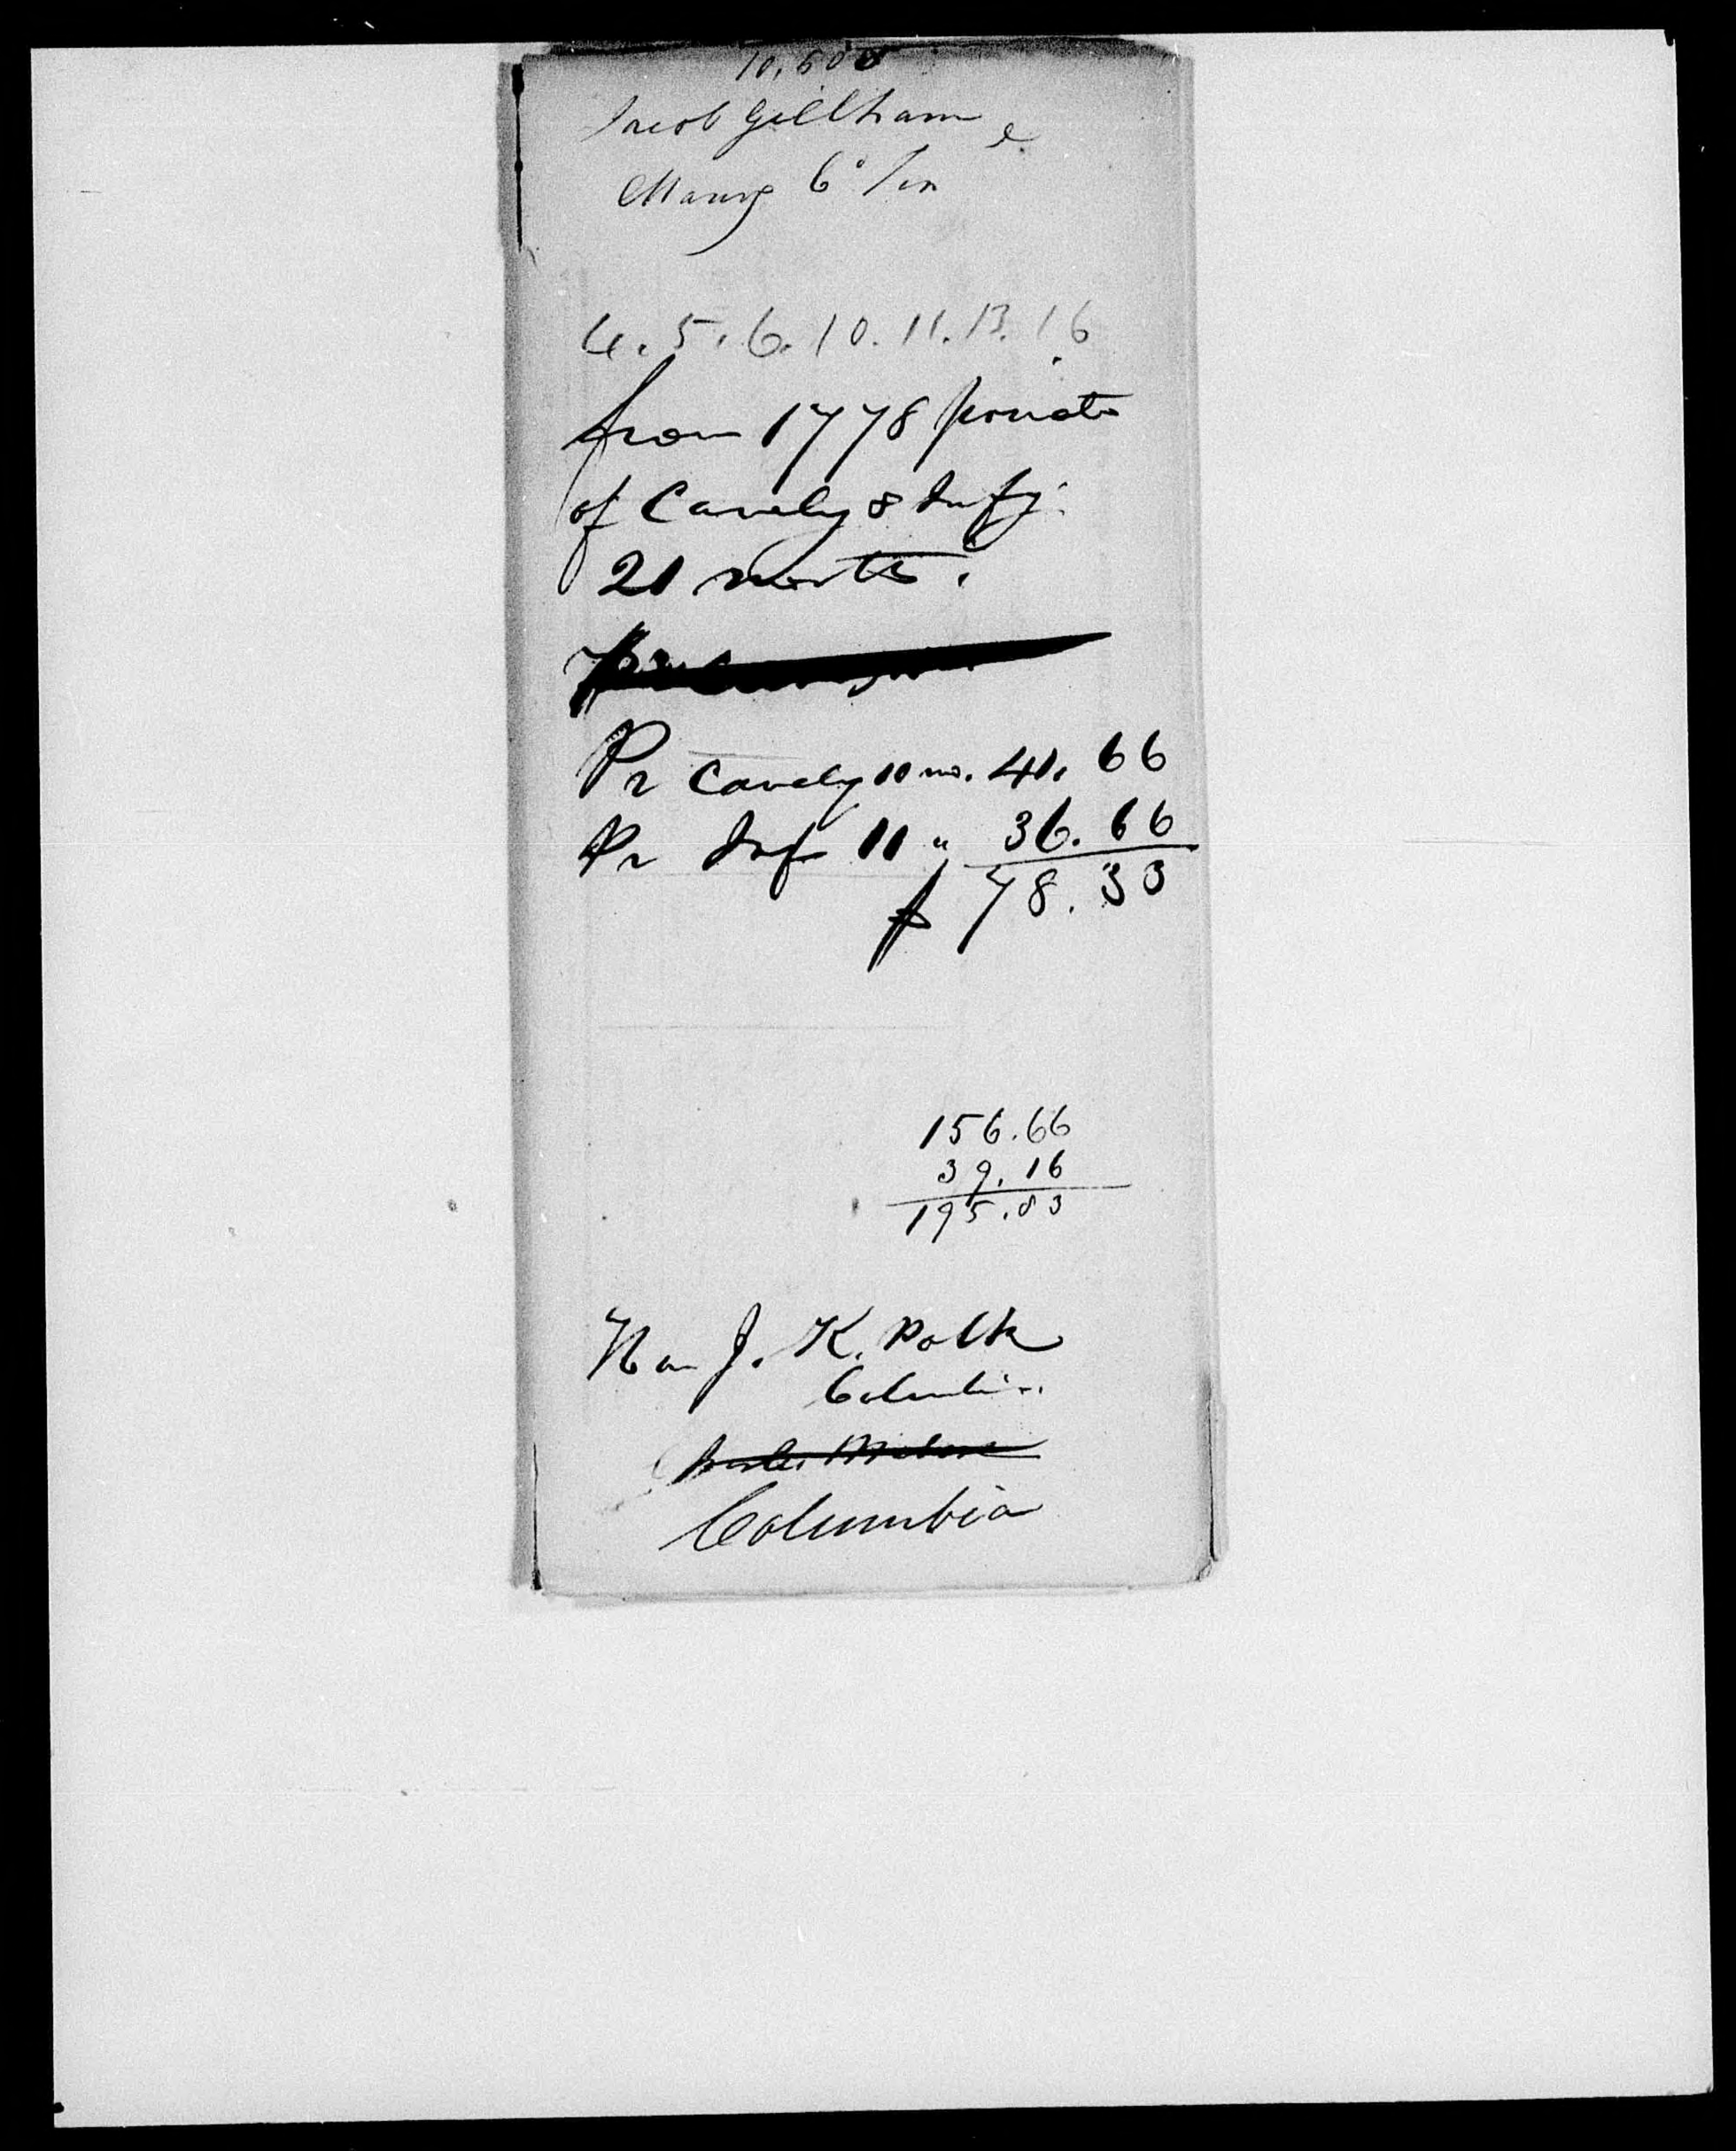10500
Jacob Gillham
Maury Co Ten
4.5.6.10.11.13.16
from 1778 private of cavalry & infy
21 months 
Pr cavaly 10 mo 41.66
Pr Inf 11 mo 36.66
$78.33

156.66
39.16
195.83

Hon JK Polk
Columbia
Columbia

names: Jacob Gillham, J K Polk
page: 3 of 17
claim: survivor's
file: S 3397, Jacob Gillham, S.C.